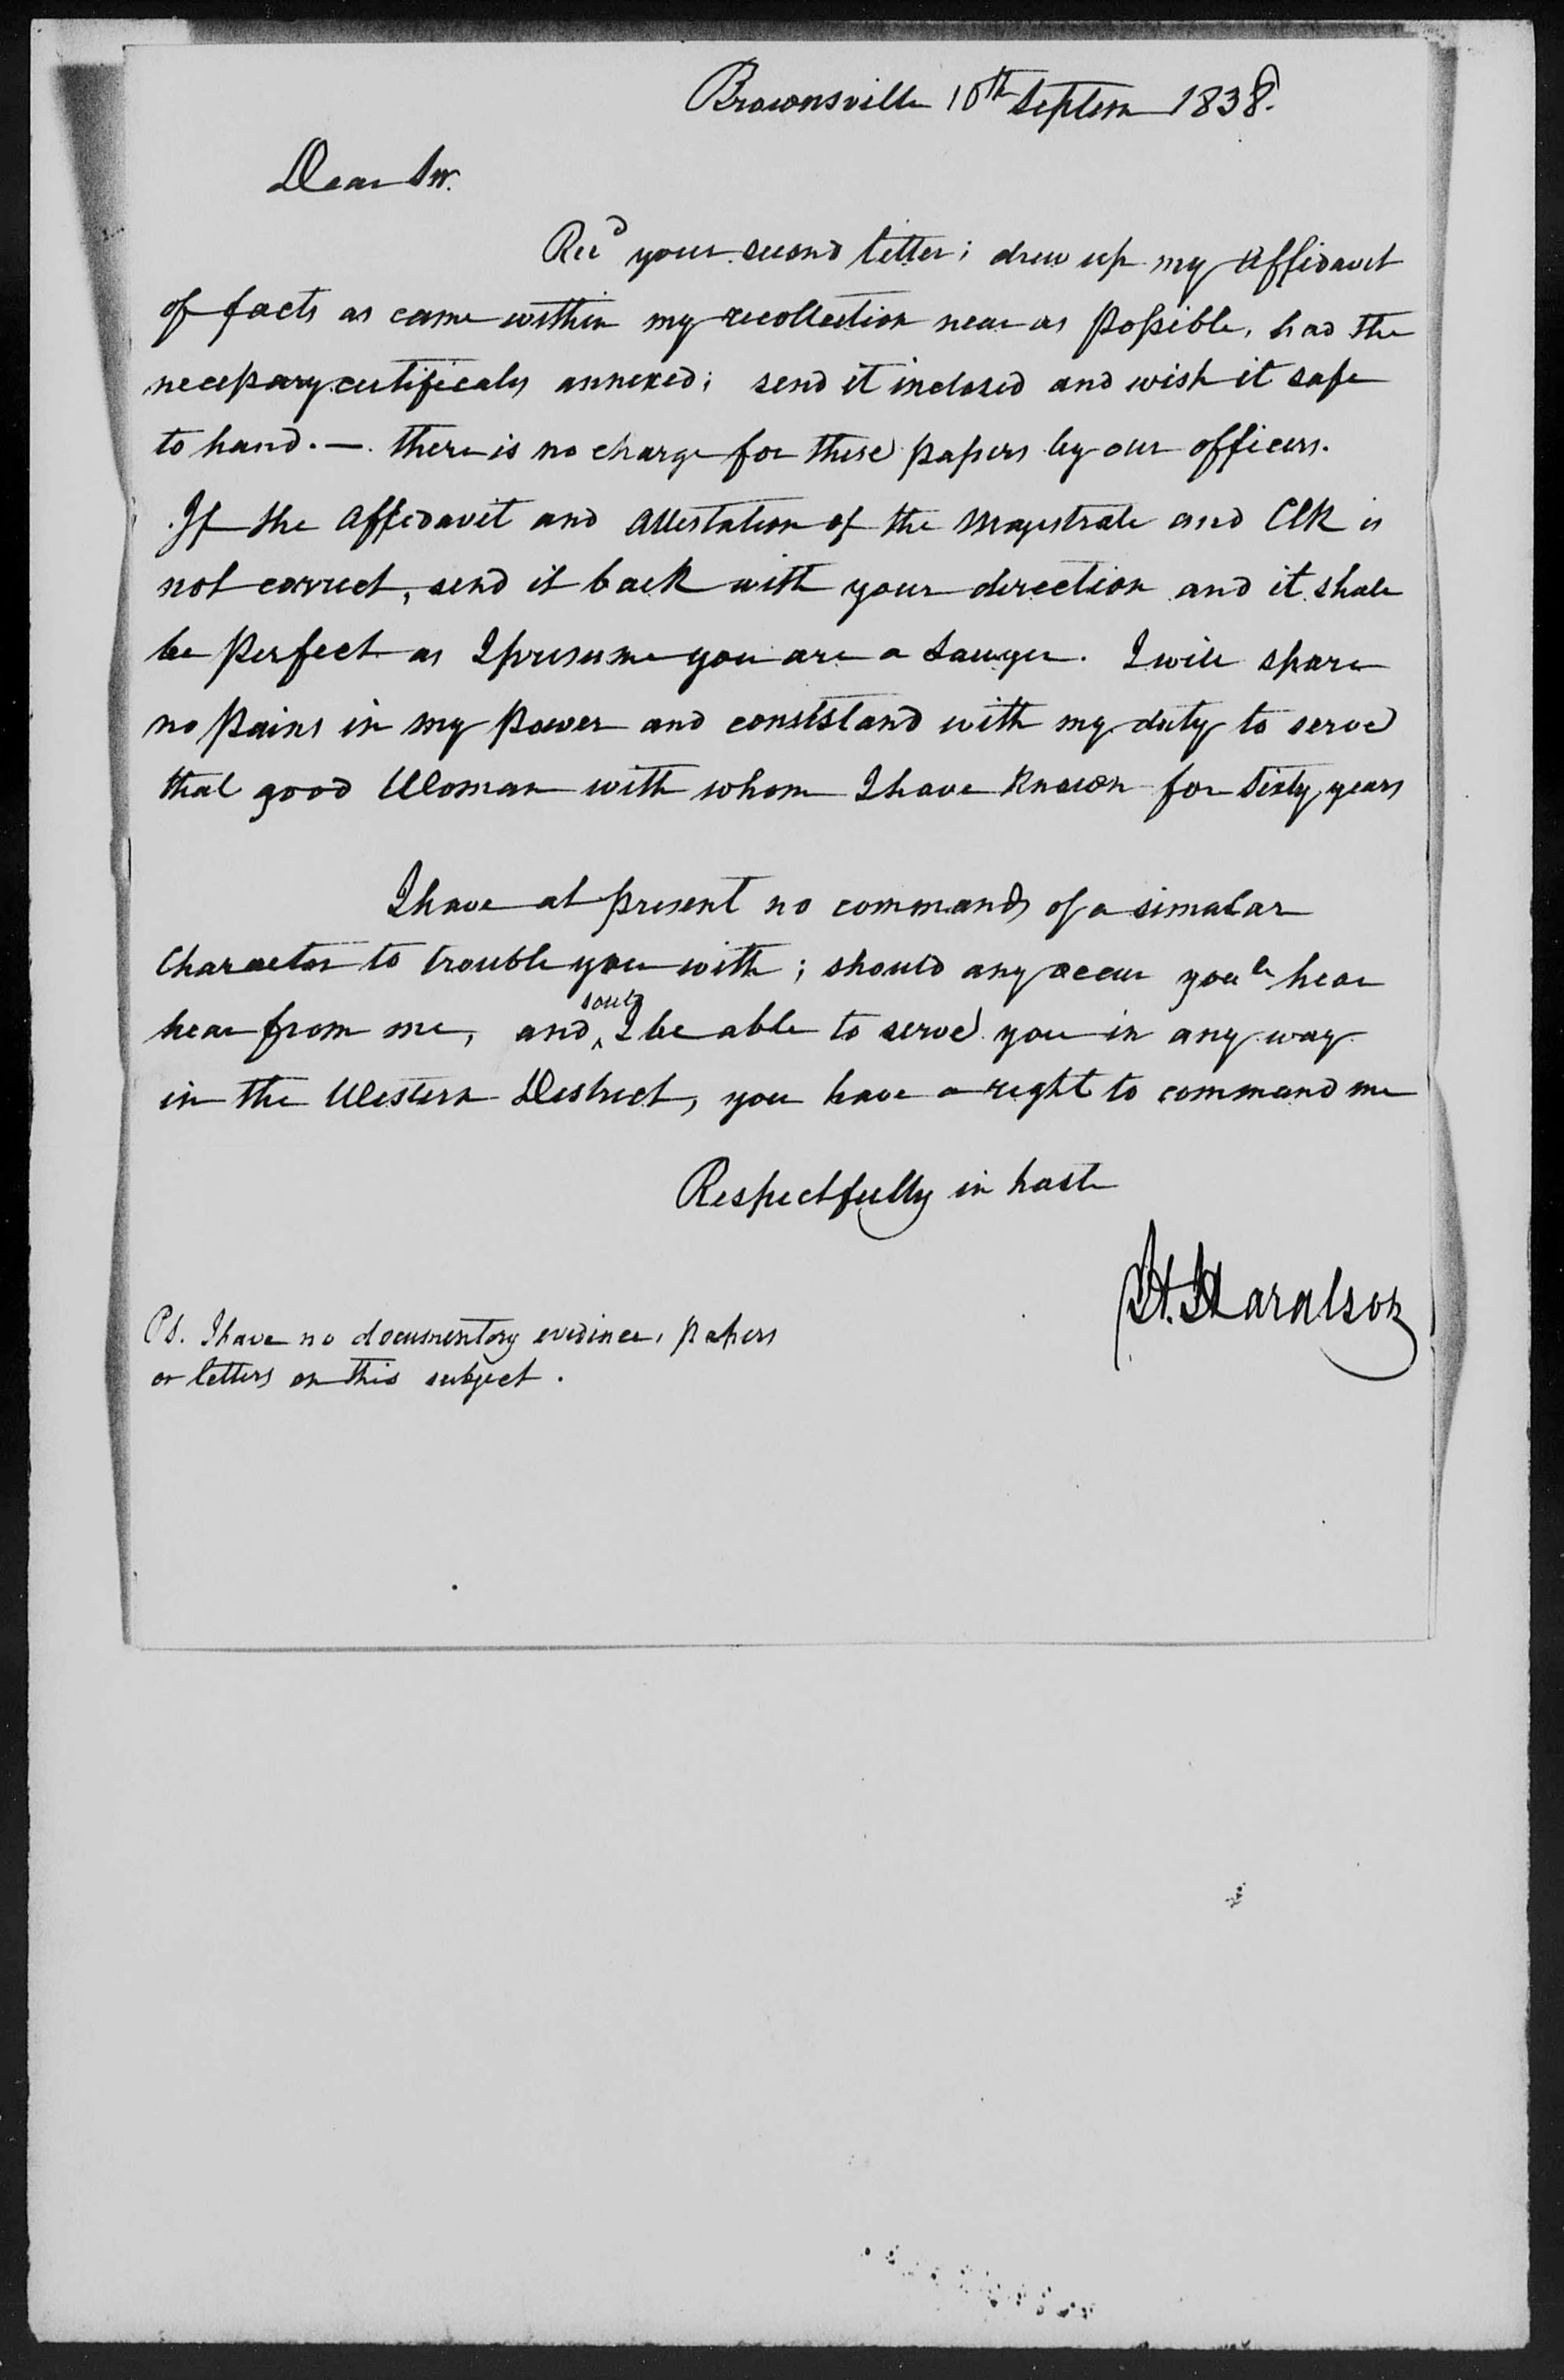Brownsville 10th September 1838.
Dear Sir.
Received your second letters: drew Sept my affidavit of facts as came within my recollection near as possible, had the necessary certificates annexed;  send it inclosed and wish it safe to hand – there is no charge for these papers by our offices.
If the affidavit and attestation of the magistrate and clerk is not correct, send it back with your direction and it shall be perfect as   [illegible] you are in danger. I  will spare no pains in my power and can insist with my duty to serve that good woman with whom I have known for sixty years. 
I have at present no commands of a similar character to trouble you with; should any [illegible] you to hear hear from one, and duty I be able to serve you in any way in the western district, you have a right to command me.
Respectfully in hast
H Haralson
PS I have no documentary evidence papers or letters on this subject.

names: H Haralson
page: 40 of 62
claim: widow's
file: W 7005, Frederick Debow, N.C.